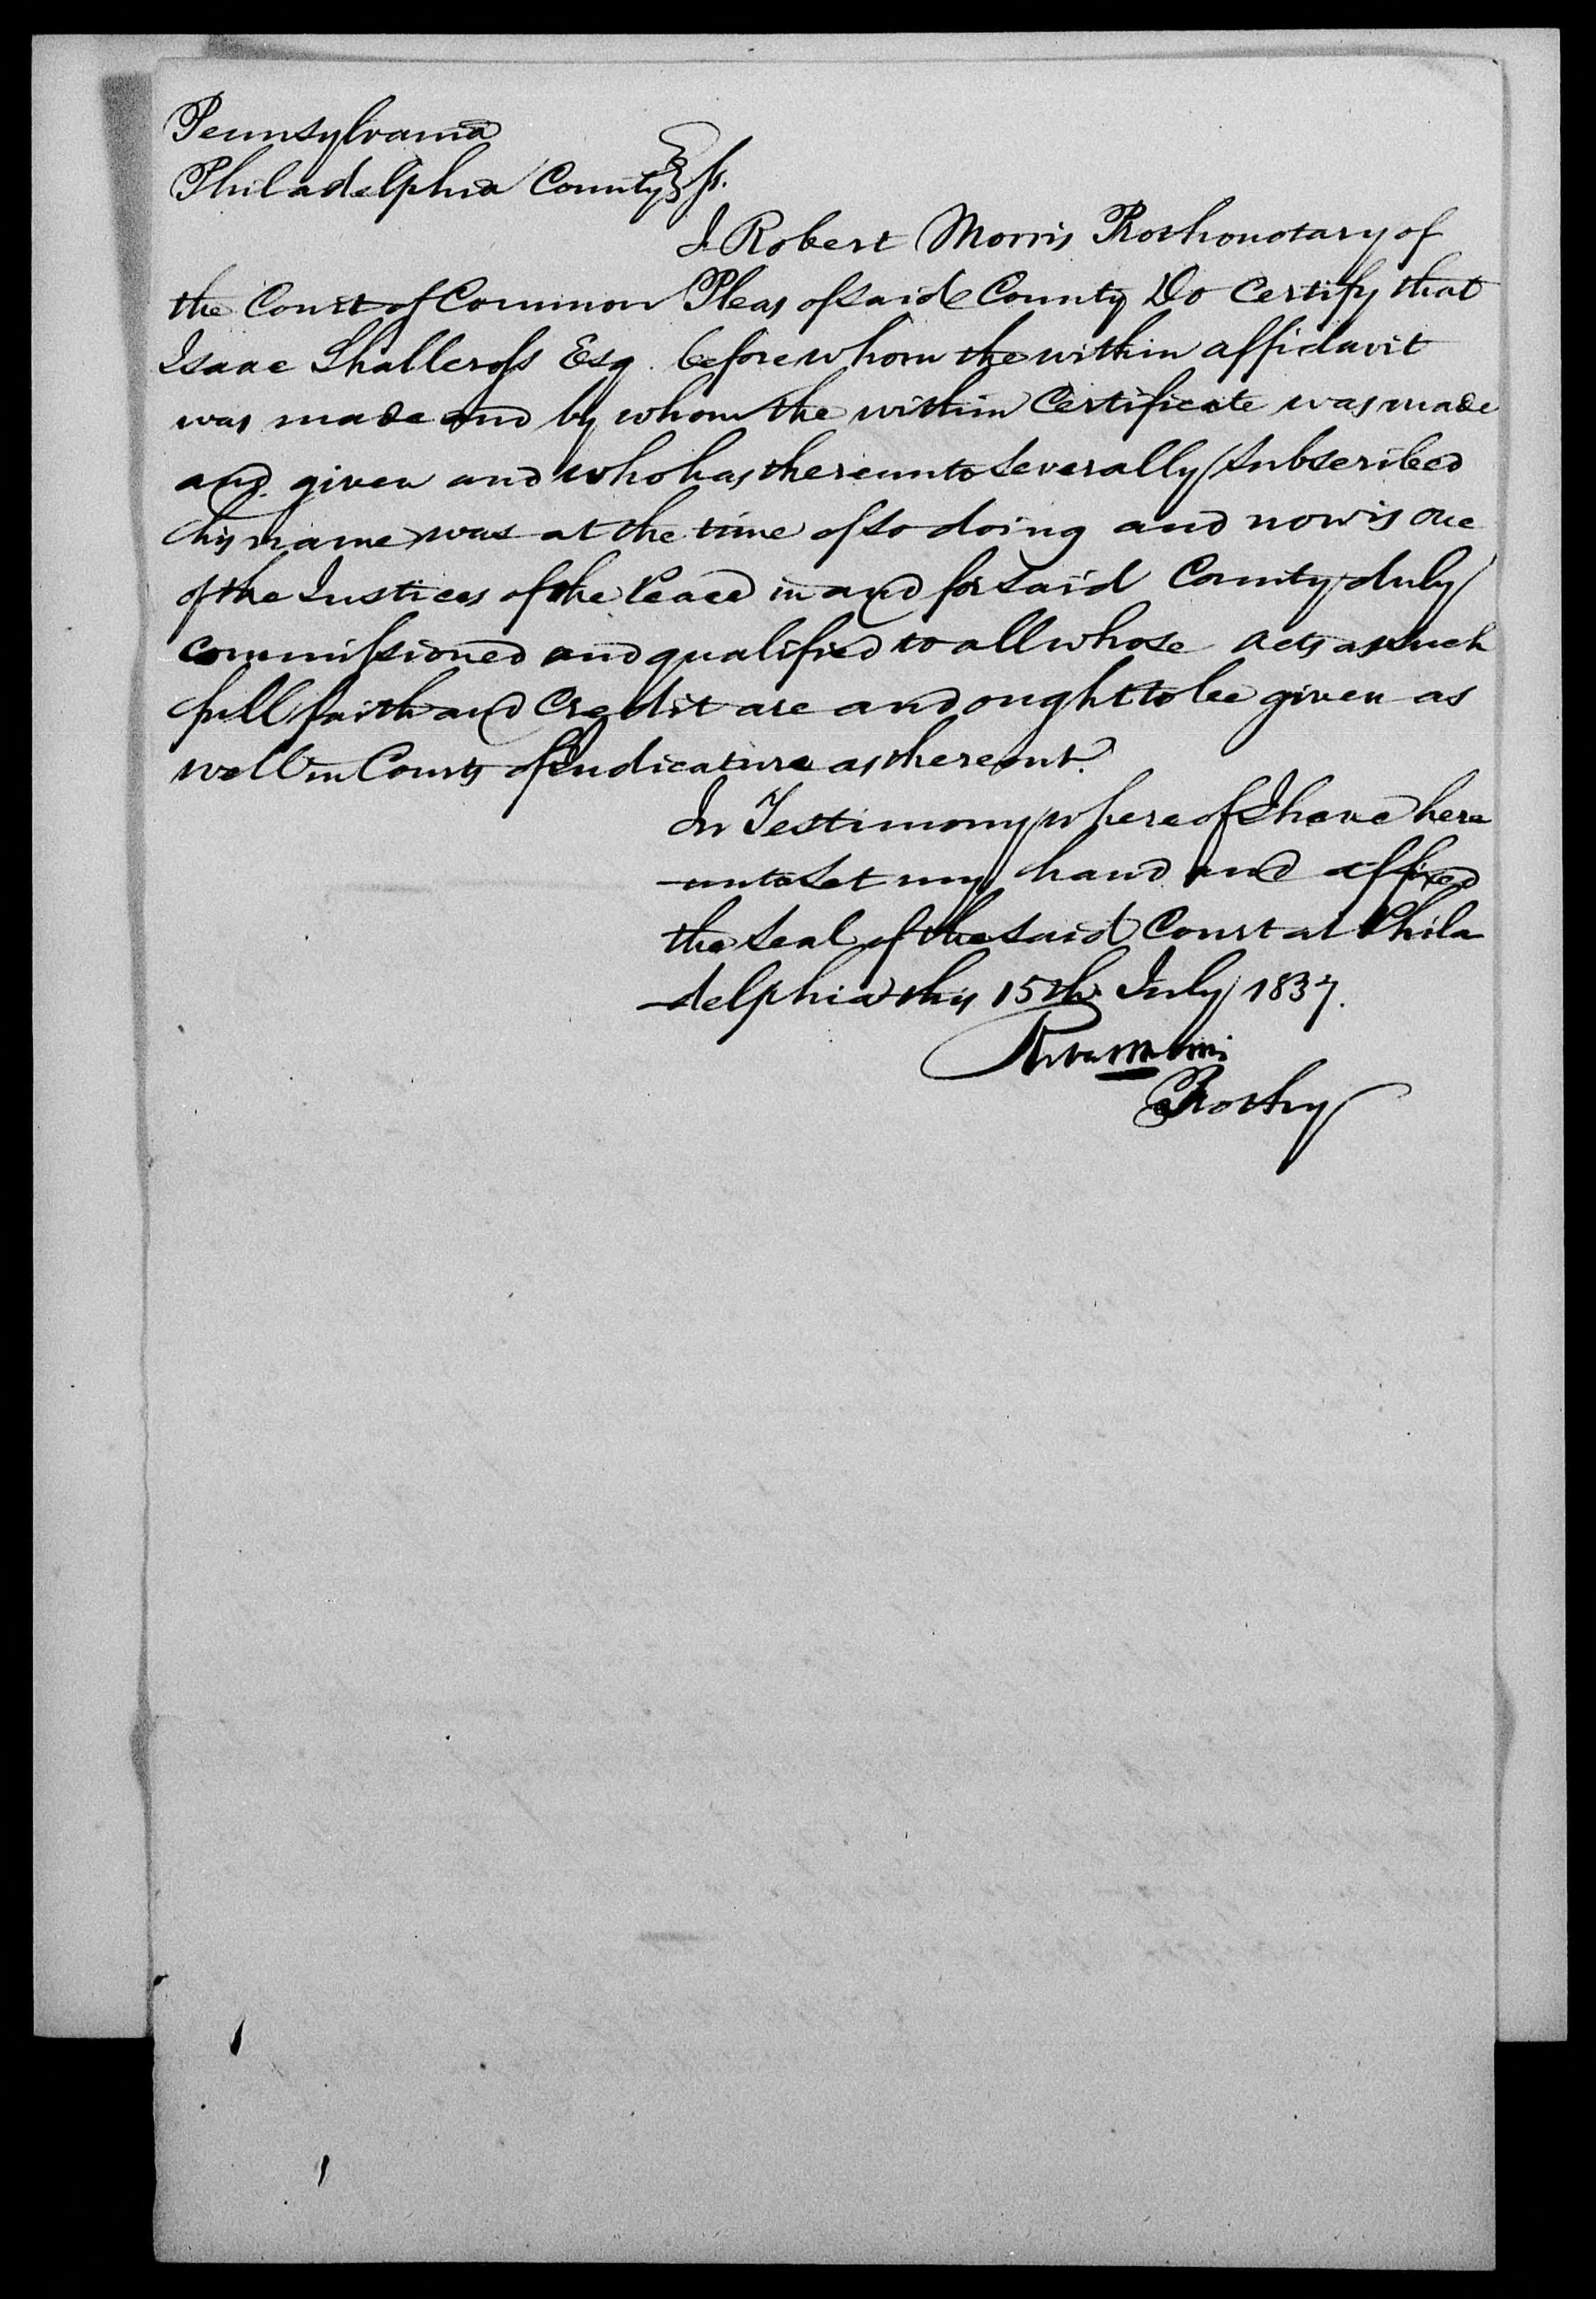Pennsylvania
Philadelphia County
I Robert Morris Prothonotary of the Court of Common Pleas of said County Do Certify that Isaac Shallcross Esq. before whom the within affidavit was made and by whom the written Certificate was made and given and who has thereunto Severally subscribed his name was at the time of so doing and now is one of the Justices of the Peace in and for said County duly commissioned and qualified to all whose acts as such full faith and credit are and ought to be given as well Court of Judicature as thereout.
In testimony in hereof I have here unto set my hand and affixed the seal of the said Court at Philadelphia this 15th July 1837.
Robert Morris
Prothy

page: 16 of 86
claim: widow's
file: W. 3571, for David Marshall, Pennsylvania